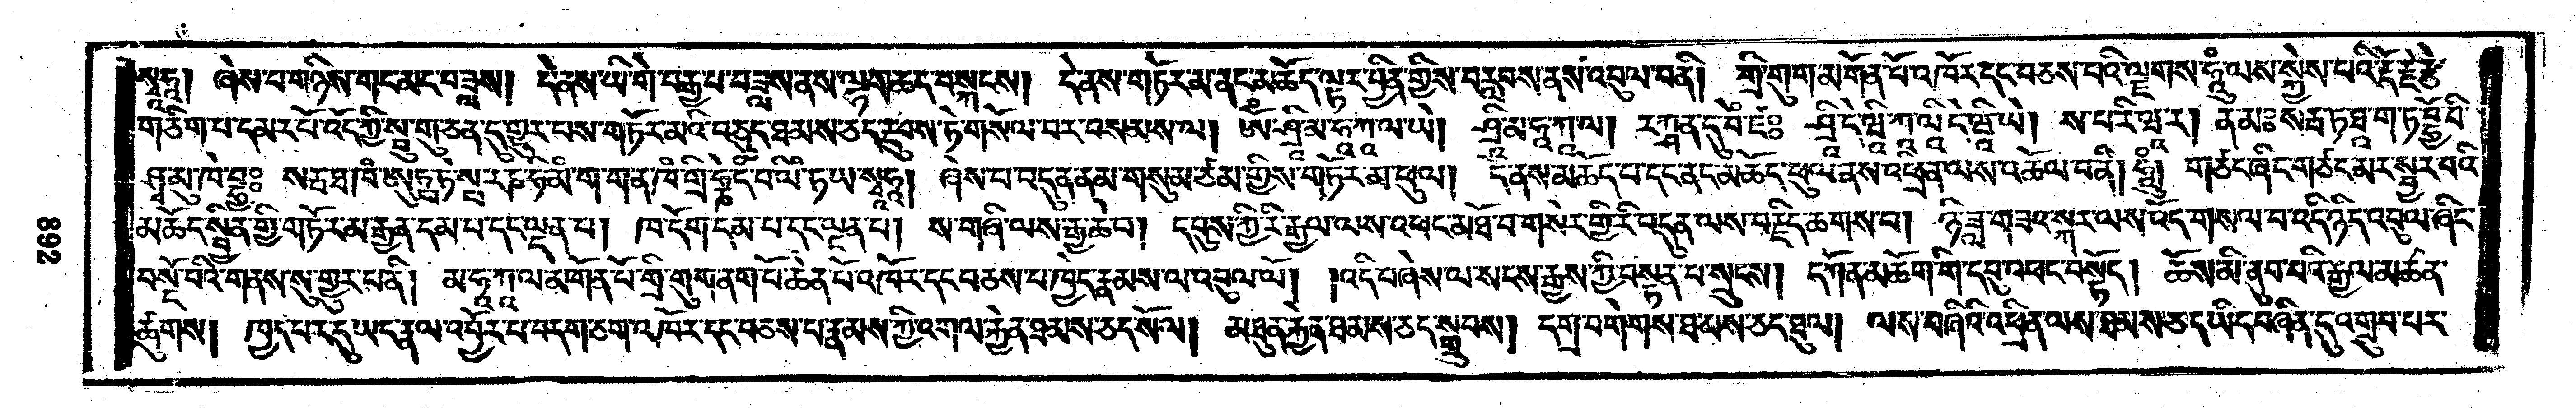སྭཱ་ཧཱ། ཞེས་པ་གཉིས་གང་མང་བཟླས། དེ་ནས་ཡི་གེ་བརྒྱ་པ་བཟླས་ནས་ལྷག་ཆད་བསྐངས། དེ་ནས་གཏོར་མ་ནང་མཆོད་ལྟར་བྱིན་གྱིས་བརླབས་ནས་འབུལ་བ་ནི། གྲི་གུག་མགོན་པོ་འཁོར་དང་བཅས་པའི་ལྗགས་ཧཱུཾ་ལས་སྐྱེས་པའི་རྡོ་རྗེ་རྩེ་
གཅིག་པ་དམར་པོ་འོད་ཀྱི་སྦུ་གུ་ཅན་དུ་གྱུར་པས་གཏོར་མའི་བཅུད་ཐམས་ཅད་རྡུབས་ཏེ་གསོལ་བར་བསམས་ལ། ཨོཾ་ཤྲཱི་མ་ཧཱ་ཀཱ་ལ་ཡེ། ཤྲཱི་མ་ཧཱ་ཀཱ་ལ། རཀྴན་དུ་བེཾ་ཛཿ ཤྲཱི་དེ་ཝཱི་ཀཱ་ལཱི་དེ་ཝཱི་ཡེ། ས་པ་རི་ཝཱ་ར། ན་མཿ སརྦ་ཏ་ཐཱ་ག་ཏ་བྷྱོ་བི་
ཤྭ་མུ་ཁེ་བྷྱཿ སརྦ་ཐ་ཁཾ་ཨུཏྤ་ཏེ་སྤ་རཎ་ཧི་མཾ་ག་ག་ན་ཁཾ་གྲི་ཧྞེ་དཾ་པ་ལིཾ་ཏ་ཡ་སྭཱ་ཧཱ། ཞེས་པ་བདུན་ནམ་གསུམ་ཙམ་གྱིས་གཏོར་མ་ཕུལ། དེ་ནས་མཆོད་པ་དང་ནང་མཆོད་ཕུལ་ནས་འཕྲིན་ལས་འཆོལ་བ་ནི། ཧཱུཾ། གཙང་ཞིང་གཙང་མར་སྦྱར་བའི་
མཆོད་སྦྱིན་གྱི་གཏོར་མ་རྒྱན་དམ་པ་དང་ལྡན་པ། ཁ་དོག་དམ་པ་དང་ལྡན་པ། ས་གཞི་ལས་རྒྱ་ཆེ་བ། དབུས་ཀྱི་རི་རྒྱལ་ལས་འཕང་མཐོ་བ་གསེར་གྱི་རི་བདུན་ལས་བརྗིད་ཆགས་པ། ཉི་ཟླ་གཟའ་སྐར་ལས་འོད་གསལ་བ་འདི་ཉིད་འབུལ་ཞིང་
བསྔོ་བའི་གནས་སུ་གྱུར་པ་ནི། མ་ཧཱ་ཀཱ་ལ་མགོན་པོ་གྲི་གུག་ནག་པོ་ཆེན་པོ་འཁོར་དང་བཅས་པ་ཁྱེད་རྣམས་ལ་འབུལ་ལོ། །འདི་བཞེས་ལ་སངས་རྒྱས་ཀྱི་བསྟན་པ་སྲུངས། དཀོན་མཆོག་གི་དབུ་འཕང་བསྟོད། ཆོས་མི་ནུབ་པའི་རྒྱལ་མཚན་
ཚུགས། ཁྱད་པར་དུ་ཡང་རྣལ་འབྱོར་པ་བདག་ཅག་འཁོར་དང་བཅས་པ་རྣམས་ཀྱི་འགལ་རྐྱེན་ཐམས་ཅད་སོལ། མཐུན་རྐྱེན་ཐམས་ཅད་སྒྲུབས། དགྲ་བགེགས་ཐམས་ཅད་ཐུལ། ལས་བཞིའི་འཕྲིན་ལས་ཐམས་ཅད་ཡིད་བཞིན་དུ་འགྲུབ་པར་